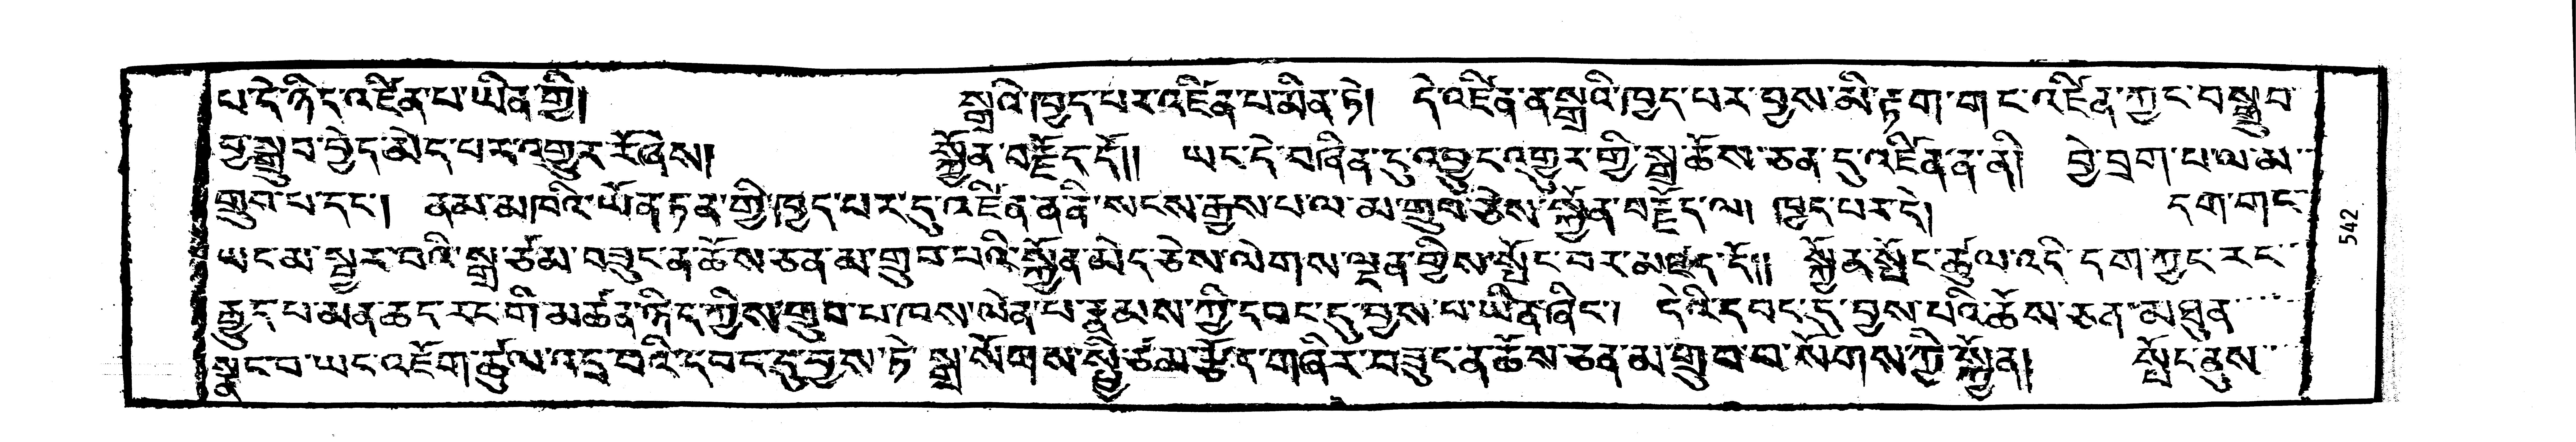པ་དེ་ཉིད་འཛིན་པ་ཡིན་གྱི། སྒྲའི་ཁྱད་པར་འཛིན་པ་མིན་ཏེ། དེ་འཛིན་ན་སྒྲའི་ཁྱད་པར་བྱས་མི་རྟག་གང་འཛིན་ཀྱང་བསྒྲུབ་
བྱ་སྒྲུབ་བྱེད་མེད་པར་འགྱུར་རོ་ཞེས། སྐྱོན་བརྗོད་དོ། །ཡང་དེ་བཞིན་དུ་འབྱུང་འགྱུར་གྱི་སྒྲ་ཆོས་ཅན་དུ་འཛིན་ན་ནི། བྱེ་བྲག་པ་ལ་མ་
གྲུབ་པ་དང་། ནམ་མཁའི་ཡོན་ཏན་གྱི་ཁྱད་པར་དུ་འཛིན་ན་ནི་སངས་རྒྱས་པ་ལ་མ་གྲུབ་ཅེས་སྐྱོན་བརྗོད་ལ། ཁྱད་པར་དེ། དག་གང་
ཡང་མ་སྦྱར་བའི་སྒྲ་ཙམ་བཟུང་ན་ཆོས་ཅན་མ་གྲུབ་པའི་སྐྱོན་མེད་ཅེས་ལེགས་ལྡན་གྱིས་སྤོང་བར་མཛད་དོ། །སྐྱོན་སྤོང་ཚུལ་འདི་དག་ཀྱང་རང་
རྒྱུད་པ་མན་ཆད་རང་གི་མཚན་ཉིད་ཀྱིས་གྲུབ་པ་ཁས་ལེན་པ་རྣམས་ཀྱི་དབང་དུ་བྱས་པ་ཡིན་ཞིང་། དེའི་དབང་དུ་བྱས་པའི་ཆོས་ཅན་མཐུན་
སྣང་བ་ཡང་འཇོག་ཚུལ་འདྲ་བའི་དབང་དུ་བྱས་ཏེ་སྒྲ་སོགས་སྤྱི་ཙམ་རྩོད་གཞིར་བཟུང་ན་ཆོས་ཅན་མ་གྲུབ་པ་སོགས་ཀྱི་སྐྱོན། སྤོང་ནུས་